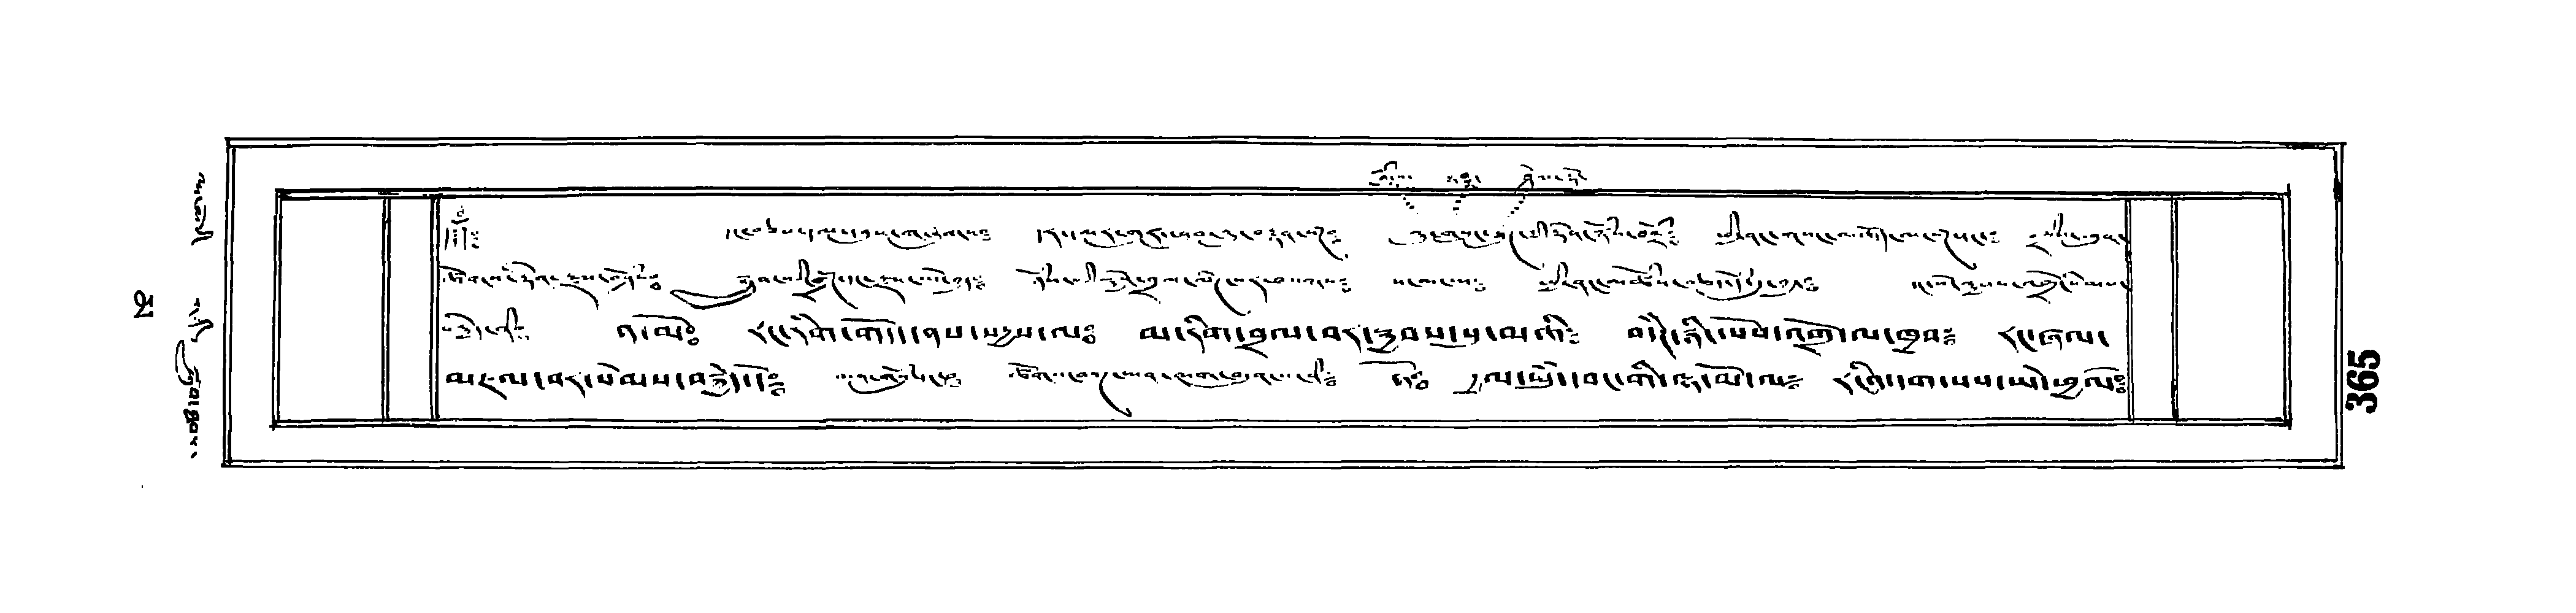དང་བཅས་དལ་དབུས་བཞུགས༔ དར་དམར་གུར་ཕུབ་སྐུ་བརྙན་སོགས༔ སྐུ་གསུང་ཐུགས་ཀྱི་རྟེན་རྣམས་བཀྲམ༔ ཕྱི་ནང་གསང་མཆོད་ལ་སོགས་དང༔ བཀྲ་ཤིས་ཕུན་
ཚོགས་རྟེན་རྫས་བཤམས༔ སྒྲུབ་པའི་གྲོགས་དང་རྫས་ཡོ་བྱད༔ ཉམས་པའི་སྐྱོན་བྲལ་ལེགས་པར་བསགས༔ ས་མ་ཡ༔ ཕྱི་ནང་མཚམས་བཅད་དམ་དུ་བྱ༔ དང་པོ་སྐྱབས་འགྲོ་སེམས་
བསྐྱེད་ནི༔ ན་མོ༔ རང་རིག་གདོད་ནས་སངས་རྒྱས་ལ༔ མ་རིག་བྲལ་བར་སྐྱབས་སུ་མཆི༔ བདེ་གཤེགས་སྙིང་པོས་འགྲོ་ལ་ཁྱབ༔ རང་ཞལ་
མཇལ་བར་སེམས་བསྐྱེད་དོ༔ ལན་གསུམ་དང༔ ཚོགས་བསགས་ཡན་ལག་བདུན་པ་ནི༔ ཧོཿ རྒྱལ་ཡུམ་དབང་གི་ལྷ་མོ་ལ༔ རང་བཞིན་དག་པས་ཡེ་ཕྱག་འཚལ༔